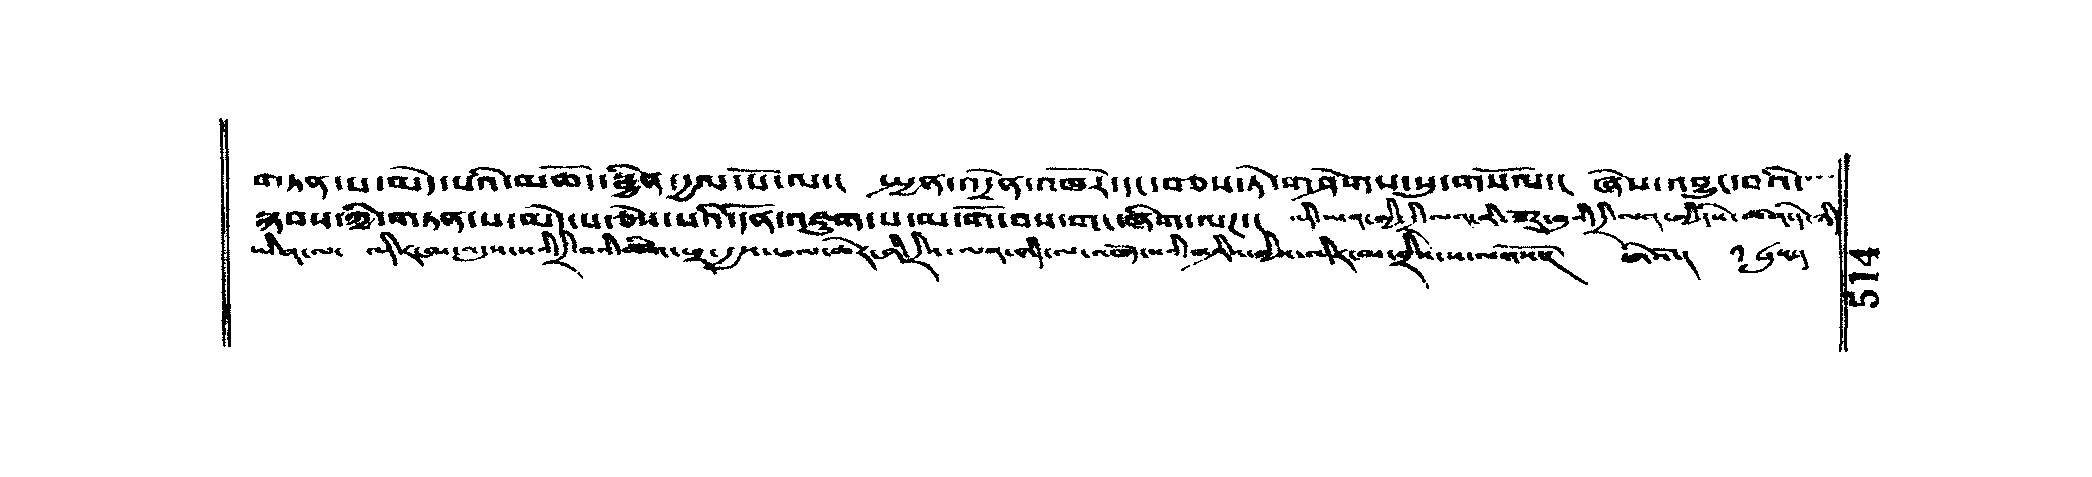གཏན་པ་མེད་པའི་མཆོད་སྦྱིན་རྒྱལ་པོ་ལ། །སྤྱན་འདྲེན་འཁོར་དང་བཅས་ཏེ་གཤེགས་སུ་གསོལ། ཞེས་འབྱུང་བའི་
སྐབས་ཀྱི་གཏན་པ་མེད་པ་ཞེས་པའི་དོན་འཇུག་པ་མ་གོ་བས་གང་ཞིག་ལགས། འདི་ཡན་གྱི་དྲི་ལན་ནི་ཐོར་བུའི་དྲི་ལན་གྱི་དཔེ་ཚན་དེ་ཉིད་
ཡིན་ལ། འདིར་མ་འདུས་པའི་དྲི་བའི་ཚིག་ཕྲ་རྒྱས་ཕལ་ཆེར་ནི་དྲིས་ལན་ཉིད་ལ་འཁོད་པའི་གཤིས་ཀྱིས་འདིར་མ་བྲིས་པ་ལགས་སོ།། དགེའོ།། ༡ཞུས་།